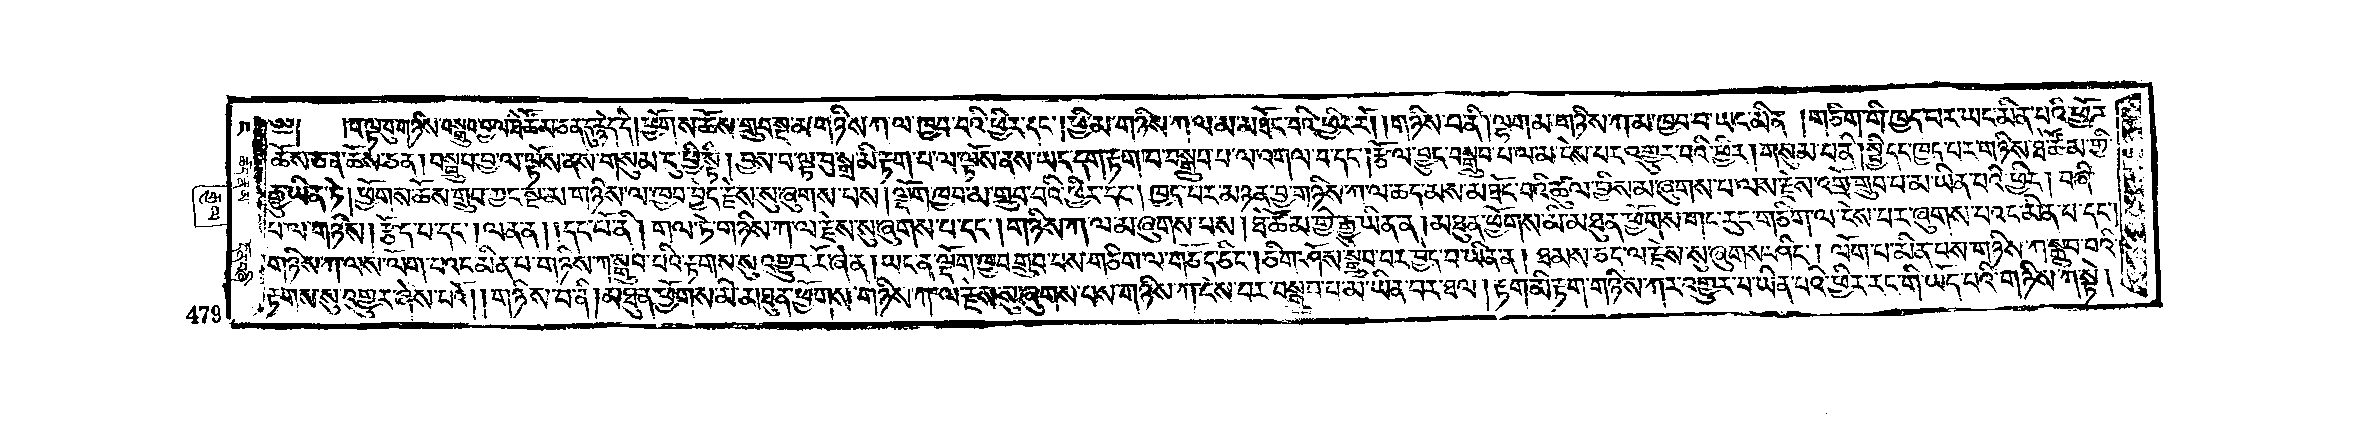༄༅། །པ་ལྟ་བུ་གཉིས་བསྒྲུབ་བྱ་ལ་ཏེ་ཚོམ་ཅན་དུ་རྙེད་དེ། ཕྱོགས་ཆོས་གྲུབ་སྔ་མ་གཉིས་ཀ་ལ་ཁྱབ་པའི་ཕྱིར་དང་། ཕྱི་མ་གཉིས་ཀ་ལ་མ་མཐོང་བའི་ཕྱིར་རོ། །གཉིས་པ་ནི། ལྷག་མ་གཉིས་ཀ་མ་ཁྱབ་པ་ཡང་མིན། གཅིག་གི་ཁྱད་པར་ཡང་མིན་པའི་ཕྱོགས་
ཆོས་ཅན་ཆོས་ཅན། བསྒྲུབ་བྱ་ལ་ལྟོས་ནས་གསུམ་དུ་ཕྱི་སྟེ། བྱས་པ་ལྟ་བུ་སྒྲ་མི་རྟག་པ་ལ་ལྟོས་ནས་ཡང་དག་རྟག་པ་བསྒྲུབ་པ་ལ་འགལ་བ་དང་། རྩོལ་བྱུང་བསྒྲུབ་པ་ལ་མ་ངེས་པར་འགྱུར་བའི་ཕྱིར། གསུམ་པ་ནི། སྤྱི་དང་ཁྱད་པར་གཉིས་ཐེ་ཚོམ་གྱི་
རྒྱུ་ཡིན་ཏེ། ཕྱོགས་ཆོས་གྲུབ་ཀྱང་སྔ་མ་གཉིས་ལ་ཁྱབ་བྱེད་རྗེས་སུ་ཞུགས་པས། ལྡོག་ཁྱབ་མ་གྲུབ་པའི་ཕྱིར་དང་། ཁྱད་པར་མཉན་བྱ་གཉིས་ཀ་ལ་ཚད་མས་མཐོང་བའི་ཚུལ་བྱིས་མ་ཞུགས་པ་ལས་རྗེས་འགྲོ་གྲུབ་པ་མ་ཡིན་པའི་ཕྱིར། བཞི་
པ་ལ་གཉིས། རྩོད་པ་དང་། ལན་ནོ། །དང་པོ་ནི། གལ་ཏེ་གཉིས་ཀ་ལ་རྗེས་སུ་ཞུགས་པ་དང་། གཉིས་ཀ་ལ་མ་ཞུགས་པས། ཐེ་ཚོམ་གྱི་རྒྱུ་ཡིན་ན། མཐུན་ཕྱོགས་མི་མཐུན་ཕྱོགས་གང་རུང་གཅིག་ལ་ངེས་པར་ཞུགས་པའང་མིན་པ་དང་།
གཉིས་ཀ་ལས་ལོག་པའང་མིན་པ་གཉིས་ཀ་སྒྲུབ་པའི་རྟགས་སུ་འགྱུར་རོ་ཞེ་ན། ཡང་ན་ལྡོག་ཁྱབ་གྲུབ་པས་གཅིག་ལ་གཅོད་ཅིང་། ཅིག་ཤོས་སྒྲུབ་པར་བྱེད་པ་ཡིན་ན། ཐམས་ཅད་ལ་རྗེས་སུ་ཞུགས་ཤིང་། ལོག་པ་མིན་པས་གཉིས་ཀ་སྒྲུབ་པའི་
རྟགས་སུ་འགྱུར་ཞེས་པའོ། །གཉིས་པ་ནི། མཐུན་ཕྱོགས་མི་མཐུན་ཕྱོགས་གཉིས་ཀ་ལ་རྗེས་སུ་ཞུགས་པས་གཉིས་ཀ་ངེས་པར་བསྒྲུབ་པ་མ་ཡིན་པར་ཐལ། རྟག་མི་རྟག་གཉིས་ཀར་འགྱུར་པ་ཡིན་པའི་ཕྱིར་རང་གི་ཡོད་པའི་གཉིས་ཀ་སྟེ།